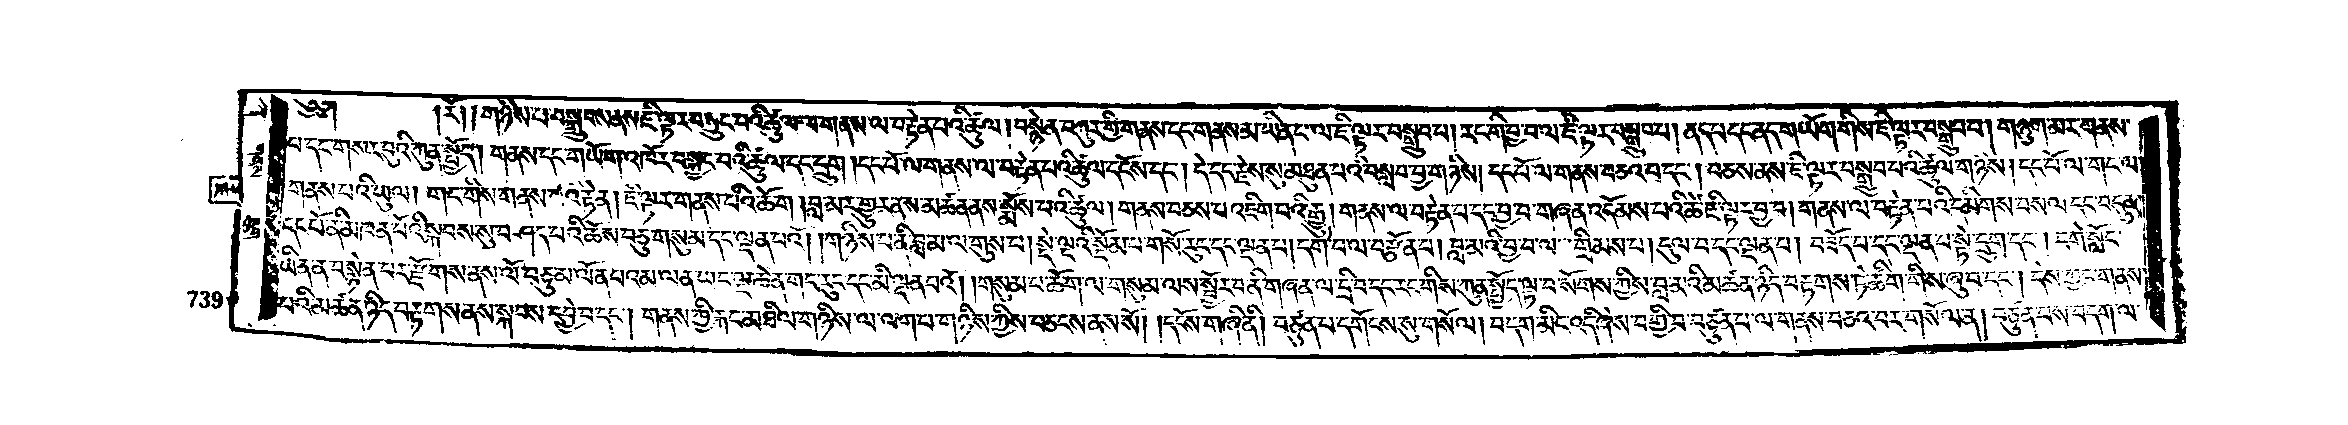༄༅། །རོ། །གཉིས་པ་བསྒྲུབས་ནས་ཇི་ལྟར་བསྲུང་བའི་ཚུལ་ལ་གནས་ལ་བརྟེན་པའི་ཚུལ། བསྙེན་བཀུར་གྱི་གནས་དང་གནས་མ་ཡིན་པ་ལ་ཇི་ལྟར་བསྒྲུབ་པ། རང་གི་བྱ་བ་ལ་ཇི་ལྟར་བསྒྲུབ་པ། ནད་པ་དང་ནད་གཡོག་གིས་ཇི་ལྟར་བསྒྲུབ་པ། གཉུག་མར་གནས་
པ་དང་གསར་བུའི་ཀུན་སྤྱོད། གནས་དང་གཡོག་འཁོར་བསྐྱང་བའི་ཚུལ་དང་དྲུག །དང་པོ་ལ་གནས་ལ་བརྟེན་པའི་ཚུལ་དངོས་དང་། དེ་དང་རྗེས་སུ་མཐུན་པའི་བསླབ་བྱ་གཉིས། དང་པོ་ལ་གནས་བཅའ་བ་དང་། བཅས་ནས་ཇི་ལྟར་བསྒྲུབ་པའི་ཚུལ་གཉིས། དང་པོ་ལ་གང་ལ་
གནས་པའི་ཡུལ། གང་གིས་གནས་པའི་རྟེན། ཇི་ལྟར་གནས་པའི་ཆོག །བླ་མར་གྱུར་ནས་མཚན་ནས་སྨོས་པའི་ཚུལ། གནས་བཅས་པ་འཇིག་པའི་རྒྱུ། གནས་ལ་བརྟེན་པ་དང་བྱ་བ་གཞན་འདོམས་པའི་ཚེ་ཇི་ལྟར་བྱ་བ། གནས་ལ་བརྟེན་པའི་དམིགས་བསལ་དང་བདུན་
དང་པོ་ནི་མཁན་པོའི་སྐབས་སུ་བཤད་པའི་ཆོས་བཅུ་གསུམ་དང་ལྡན་པའོ། །གཉིས་པ་ནི་བླ་མ་ལ་གུས་པ། སྡེ་ལྔའི་སྡོམ་པ་གསོ་རུང་དང་ལྡན་པ། དགེ་བ་ལ་བརྩོན་པ། བླ་མའི་བྱ་བ་ལ་གྲིམས་པ། དུལ་བ་དང་ལྡན་པ། བཟོད་པ་དང་ལྡན་པ་སྟེ་དྲུག་དང་། དགེ་སློང་
ཡིན་ན་བསྙེན་པར་རྫོགས་ནས་ལོ་བཅུ་མ་ལོན་པའམ་ལན་ཡང་ལྔ་ཆེན་གང་རུང་དང་མི་ལྡན་པའོ། །གསུམ་པ་ཆོ་ག་ལ་གསུམ་ལས་སྦྱོར་བ་ནི་གཞན་ལ་དྲི་བ་དང་རང་གིས་ཀུན་སྤྱོད་ལྟ་བ་སོགས་ཀྱིས་བླ་མའི་མཚན་ཉིད་བརྟགས་ཏེ་ཚིག་གིས་ཞུ་བ་དང་། དེས་ཀྱང་གནས་
པའི་མཚན་ཉིད་བརྟགས་ནས་སྐབས་དབྱེ་བ་དང་། གནས་ཀྱི་རྐང་མཐིལ་གཉིས་ལ་ལག་པ་གཉིས་ཀྱིས་བཅངས་ནས་སོ། །དངོས་གཞི་ནི། བཙུན་པ་དགོངས་སུ་གསོལ། བདག་མིང་འདི་ཞེས་བགྱི་བ་བཙུན་པ་ལ་གནས་བཅའ་བར་གསོལ་ན། བཙུན་པས་བདག་ལ་